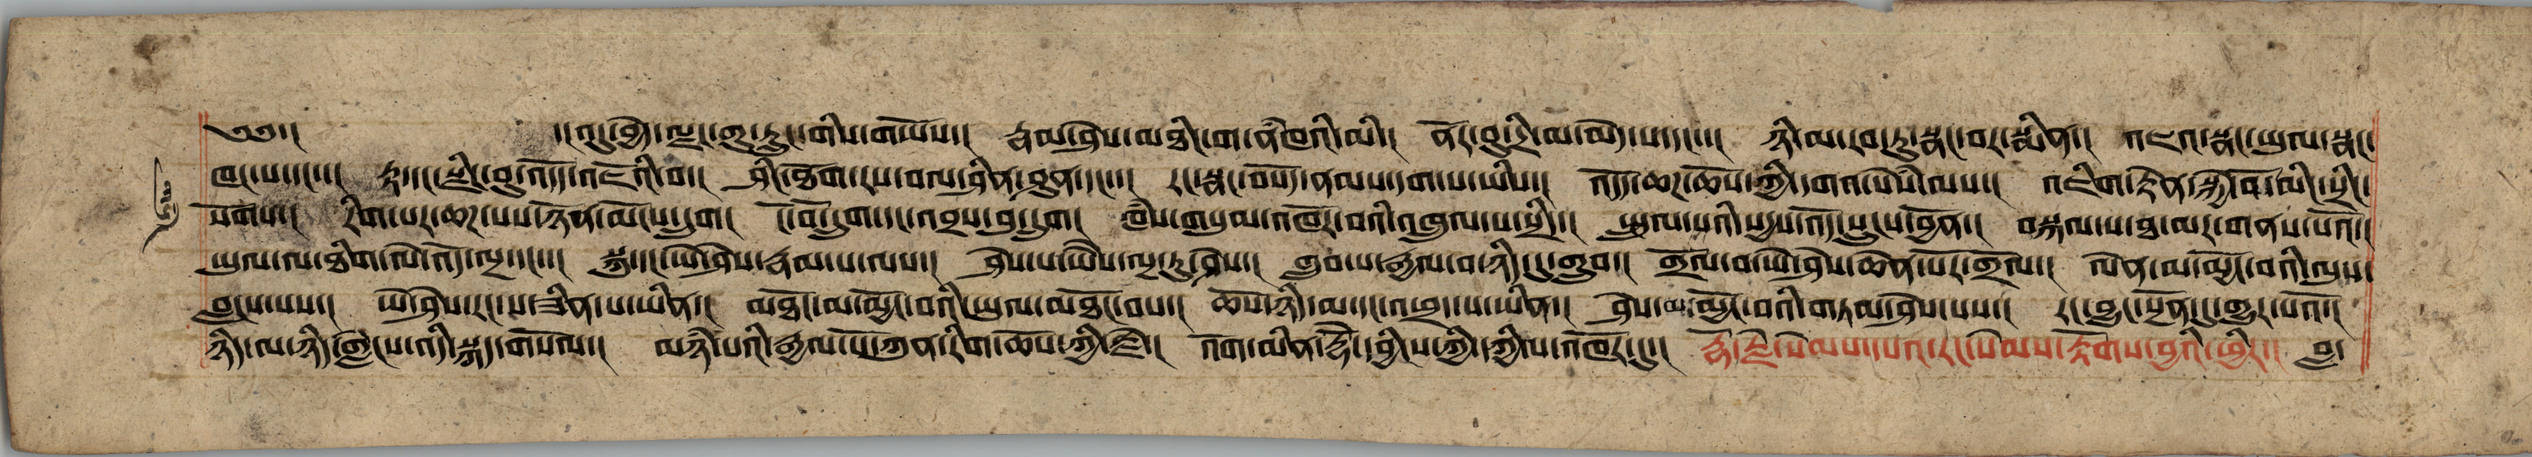༄༅་། ་།འདུ་བྱེད་ལྗང་གུ་རླུང་གིས་གཡོས་། རྣམ་ཤེས་མཐིང་ག་ནཾཁའི་མི་། ནོར་བུ་དྲི་མ་མེད་པ་དང་་། ཉི་མ་རབ་ཏུ་སྣང་བར་སྨིན་། འཇའ་སྣང་ཡུལ་སྣང་
ཁང་པ་དང་་། རྟ་དང་སྫིང་བུ་འདོད་འཇོའི་བ་། ཤིང་ཐོག་རས་བལ་ཤིན་ཤུན་དང་་། རང་སྣང་བསོད་ནམས་དག་པ་ཡིས་། འདོད་ཆཌ་ཆོས་ཀྱི་དགའ་སེཾས་ལས་། འཇིག་རྟེན་སྐྱེ་བོ་མིང་སྲིང
སོགས་། རིག་པར་ཆཌ་པས་ཉོན་མོངས་དྲུག། ངོ་བོ་དྲུག་དང་འབྲས་བུ་དྲུག། ཁཾས་གསུམ་འཁོར་བའི་འཁྲུལ་པ་སྲིད་། སྤྲུལ་པའི་སདྱས་འོད་སྲུངས་བྱོན་། བསྐལ་པ་ཐ་མར་གནས་པའོ་།
ཡུལ་ལ་ཐིག་ལེ་འོད་ལྔ་དང་་། སྐུ་དང་ཡེ་ཤེས་རྣམ་པ་ལས་། ཤེས་པ་ཡཻས་ལྔ་རུ་ཤེས་། གྲུབ་པ་རྒྱལ་བ་ཉིད་དུ་གྲུབ་། གྲོལ་བ་ཡེ་ཤེས་ཆེན་པོར་གྲོལ་། ལེན་མ་མྱོང་་བའི་ལུས་
བླངས་པས་། ཡེ་ཤེས་རང་ས་ཟིན་པ་ཡིན་། མཐོང་མ་མྱོང་བའི་ཡུལ་མཐོང་བས་། ཆོས་ཉིད་མ་དང་འཕྲད་པ་ཡིན་། ཤེས་མ་མྱོང་བའི་གཏམ་ཤེས་པས་། རང་བྱུང་སྔོན་དུ་གྱུར་པའོ་།
ཉིད་ལ་ཉིད་གླེངས་འདི་སྐད་གསོལ་། མཉཾ་པའི་རྒྱལ་པོ་ཀུན་རིག་ཆོས་ཀྱི་རྗེ་། འགོ་མིན་རྡོེ་དབྱིངས་ཀྱི་དཀྱིལ་འཁོར་དུ་། རྡོ་རྗེ་སེམས་དཔའ་རང་སེམས་རྟོགས་བྱའི་ཕྱིར་། བླ་